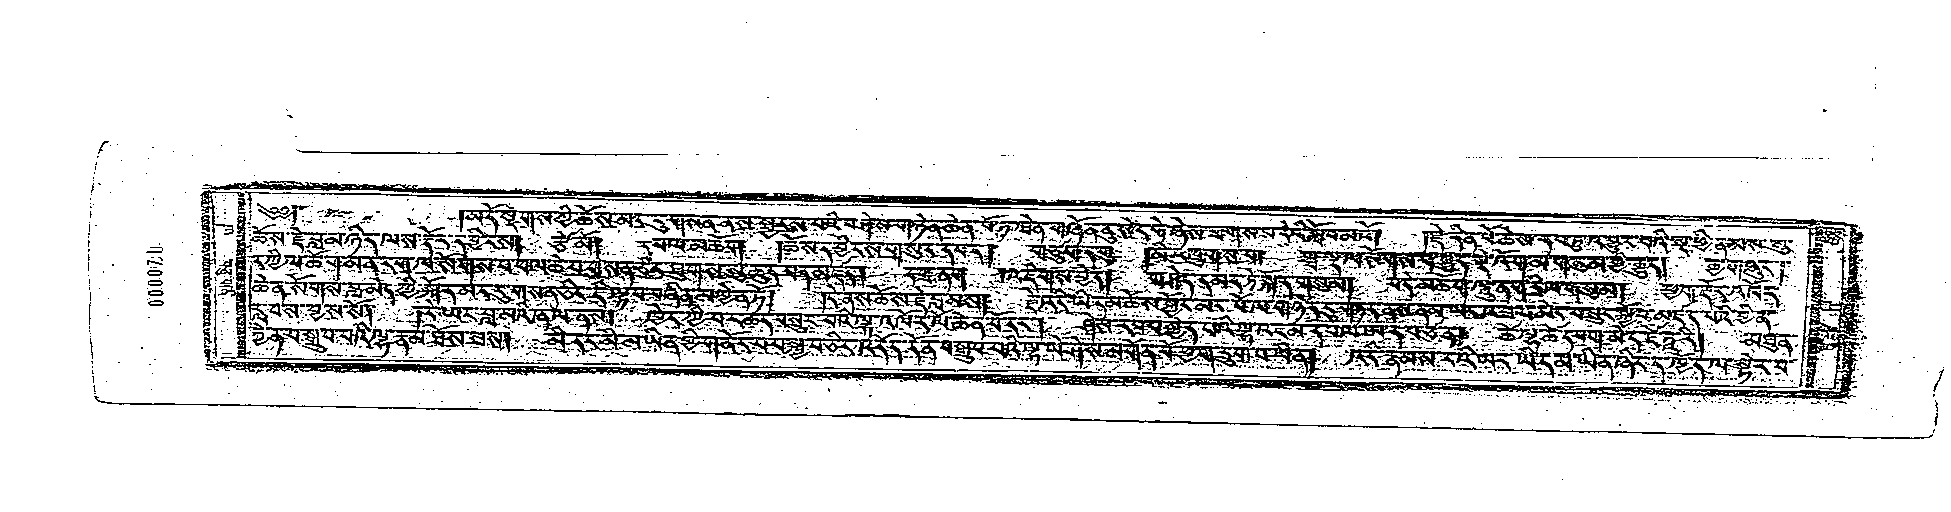༄༅། །མདོ་སྔགས་ཀྱི་ཚེས་མར་དུ་གསན་ནས་སྦྱངས་པའི་བཤེས་གཉེན་ཆེན་པོ་ཏ་ཆེན་གཞོན་ནུ་སེང་གེ་ཞེས་གྲགས་པ་དེའི་སློབ་མའོ། །རྗེ་རིན་པོ་ཆེ་ཆེས་རབ་ཏུ་འབྱུང་བའི་སྔ་ཕྱི་ནམས་སུ་
ཆོས་རྗེ་བླ་མ་ཉིད་ལས་རྡོར་དབྱིངས། རྩེ་མོ། དཔལ་མཆོག །ཆོས་དབྱིངས་གསུང་དབང་། གཙུག་དགུ །མི་འཁྲུགས་པ། གྲྭ་ལྔ་ལ་སོགས་པ་གྱུར་སྡེ་འོ་ག་མ་གསུམ་གྱི་རྒྱུད། རྒྱ་གཞུང་།
དཀྱིལ་ཆོག་མམ་ངག་ལ་སོགས་པ་ཕལ་ཆེ་པ་གསན་ཅིང་ཐུགས་སུ་ཆུད་པར་མཛད། དགྲ་ནག །འཇིགས་བྱེད། གཤེད་དམར་ཏེ་སྐོར་གསུམ། བདེ་མཆོག་ལཱུ་ནག་དྲིལ་གསུམ། ཕྱག་རྡོར་འཁོར་
ཆེན་སོགས་བླ་མེད་ཀྱི་སྐོར་མང་དུ་གསན་ཅིང་ཇི་ལྟ་བ་བཞིན་མཁྱེན་ཏོ། །དེ་ནས་ཆོས་རྗེ་བླ་མས། རྗེ་འདི་ཡི་དམ་ཆོས་སྐྱོང་མང་པོ་ལ་གཉེད་དུ་གཏད་ནས་ནམ་ཡང་འབྲལ་མེད་བསྲུངས་སྐྱོབ་མཛད་པའི་བྱིན་
རླབས་བྱས་སོ། །དེ་ཡང་བླ་མའི་ཞལ་ནས། ཁྱེད་ཀྱི་བར་ཆད་བསྲུང་བའི་ལྷ་འཁོར་ལོ་ཆེན་བོ་དང་། ཤེས་རབ་བསྐྱེད་པའི་ལྷ་འཇམ་དཔལ་ཨ་ར་པ་ཙ་ན། ཚེ་ལྷ་ཆེ་དཔག་མེད་ཛེ་ཏཱ་རི། མཐུན་
རྐྱེན་ན་བསྒྲུབ་བའི་ལྷ་རྣམས་ཐོས་སྲས། མི་དང་མི་མ་ཡིན་གྱི་གནོད་པ་བསྐྱབ་ཅིང་འདོད་དོན་བསྒྲུབ་པའི་ལྷ་ཡེ་ཤེས་མགོན་པོ་ཕྱག་དྲུག་པ་ཡིན། འདི་རྣམས་ངའི་ཡང་ཡི་དམ་ཡིན་ཞིང་ད་ཁྱོད་ལ་སྟེར་བ་